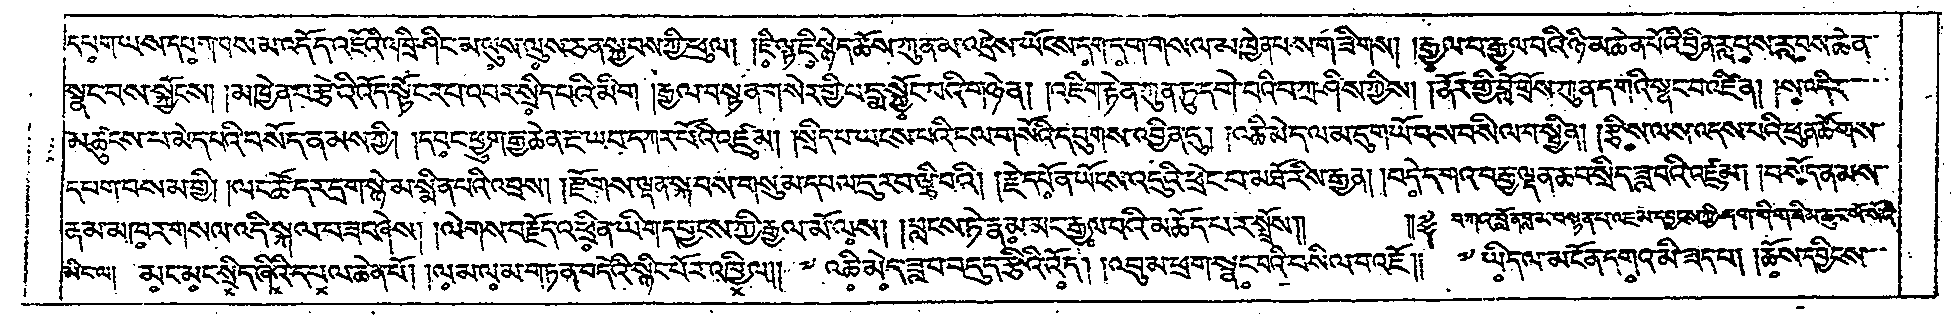དཔག྾་ཡས་དཔག྾་བསམ་འདོད་འཇོའི་འཁྲི་ཤིང་མ་ལུས྾་ལུས྾་ཅན་སྐྱབས་ཀྱི་ཕུལ། །ཇི྾་ལྟ་ཇི྾་སྙེད་ཆོས་ཀུན་མ་འདྲེས་ཡོངས་དག྾་དག྾་གསལ་མཁྱེན་པས་གཟིགས། །རྒྱལ྾་བ་རྒྱལ྾་བའི་ཉི་མ་ཆེན་པོའི་བྱིན་རླབས྾་རླབས྾་ཆེན་
སྣང་བས་སྐྱོངས། །མཁྱེན་བརྩེའི་འོད་སྟོང་རབ་འབར་སྲིད྾་པའི་མིག །རྒྱལ་བསྟན་གསེར་གྱི་པདམ་སྐྱོང྾་བའི་གཉེན། །འཇིག་རྟེན་ཀུན་ཏུ་དགེ་བའི་བཀྲ་ཤིས་ཀྱིས། །ནོར་གྱི་བློ་གྲོས་ཀུན་དགའི་སྣང་བ་འཛིན། །ས྾་འདིར་
མཚུངས་པ་མེད་པའི་བསོད་ནམས་ཀྱི། །དབང྾་ཕྱུག་རྒྱ་ཆེན་རྔ་ཡབ་དཀར་པོའི་འཛུམ། །སྲིད་པ་ཡངས་པའི་ངལ་གསོའི་དབུགས་འབྱིན་དུ། །འཆི་མེད་ལམ་དུ་གཡོ་བས་བསིལ་བ་སྦྱིན། །རྩིས྾་ལས་འདས་པའི་ཕུན་ཚོགས་
དཔག་བསམ་གྱི། །ལང་ཚོ་དར་དྲག་སྙེ་མ་སྨིན་པའི་འབྲས། །རྫོགས་ལྡན་སྐབས་གསུམ་དཔལ་དུ་རབ་ལྕི་བའི། །རྗེ་དཔོན྾་ཡོངས་འདུའི་ཕྲེང་བ་མཐོ་རིས་རྒྱན། །བདེ྾་དགའ་བརྒྱ་ལྡན་ཆབ་སྲིད་ཟླ་བའི་འཛུམ། །བསོད་ནམས་
ནམ་མཁར྾་གསལ་འདི་སྐལ་བཟང་ཞེས། །ལེགས་བརྗོད་འཕྲིན྾་ཡིག་དབྱངས་ཀྱི་རྒྱལ་མོ་ལས྾། །བླངས་ཏེ་རྣམ྾་མང་རྒྱལ྾་བའི་མཆོད་པར་སྤྲོས།། །། ༈ བཀའ་བློན་བླ་མ་བསྟན་པ་འཇམ་དབྱངས་ཀྱི་ཤག་གི་གཟིམ་ཆུང་སོ་སོའི་
མིང་ལ། མང྾་མང྾་སྲིད་྾་ཞིའི་྾་དཔལ་྾་ཆེན་པོ། །ལམ྾་ལམ྾་གཏན་བདེའི་སྙིང་པོར་འཁྱིལ་྾་།།༧་འཆི྾་མེད྾་ཟླ་བ་བདུད་རྩིའི་འོད྾། །འབུམ་ཕྲག་སྣང྾་བའི་བསིལ་བ་འཇོ།། ༧ཡིད྾་ལ་མངོན་དགའ྾་མི་ཟད་པ། །ཆོས྾་དབྱིངས་